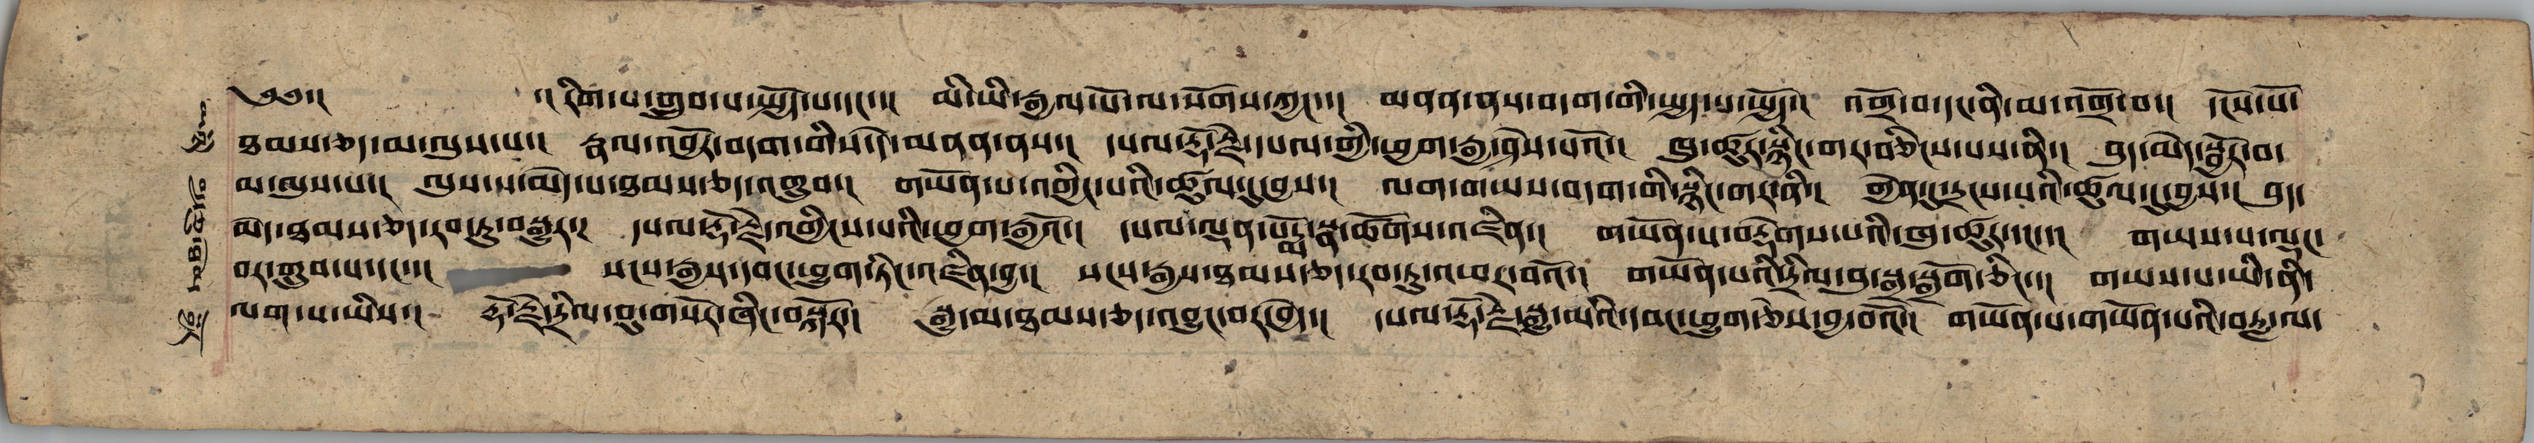༄༅་། ་།རིག་པ་གྲུབ་པ་སྤྱོད་པ་དང་་། མི་ཡི་རྒྱལ་པོ་ལ་སོགས་ཀྱང་་། མནན་ནས་བདག་གི་སྤྱད་པ་སྤྱོད་། འགྲོ་བ་དང་ནི་མ་འགྲོ་བ་། དངོས་པོ་
ཐམས་ཅད་མ་ལུས་པ་། རྣལ་འབྱོར་བདག་གིས་དེ་མནན་ནས་། དཔལ་རྡོ་རྗེ་དཔལ་གྱི་ཕྱག་རྒྱ་ཤེས་པའོ་། ཁུ་ཚུར་སྙིང་གར་བཅིངས་པས་ནི་། བུད་མེད་སྦྱོར་བ་
མ་ལུས་པ་། ལུས་པ་མེད་པ་ཐམས་ཅད་འགྲུབ་། གཡོན་པ་འགྱིང་པའི་ཚུལ་དུ་བྱས་། ལག་གཡས་བདག་གི་སྙིང་གར་ནི་། གྱེན་དུ་དྲངས་པའི་ཚུལ་དུ་བྱས་། བུད་
མེད་ཐམས་ཅད་རབ་ཏུ་བསྒྱུར་། དཔལ་རྡོ་རྗེ་འགྱིངས་པའི་ཕྱག་རྒྱའོ་། དཔལ་ལྡན་པདྨོ་སྣ་ཚོགས་འཛིན་། གཡོན་པ་བརྡེགས་པའི་ཁུ་ཚུར་དང་་། གཡས་པ་ལྡང་
བར་གྲུབ་པ་དང་་། སངས་རྒྱས་དབང་ཕྱུག་ཏིང་འཛིན་བྱ་། སངས་རྒྱས་ཐམས་ཅད་རབ་ཏུ་འཕར་བའོ་། གཡོན་པའི་དྲིལ་བུ་སྒྲ་སྒྲོག་ཅིང་་། གཡས་པ་ཡི་ནི་
ལག་པ་ཡིས་། རྡོ་རྗེ་དྲིལ་བུ་གསོར་ཞིང་བསྐོར་། སྒྱུ་མ་ཐམས་ཅད་འབྱུང་བར་བྱེད་། དཔལ་རྡོ་རྗེ་སྒྱུ་མའི་དབང་ཕྱུག་ཅེས་བྱ་བའོ་། གཡོན་པ་གཡོན་པའི་བརླ་ལ་